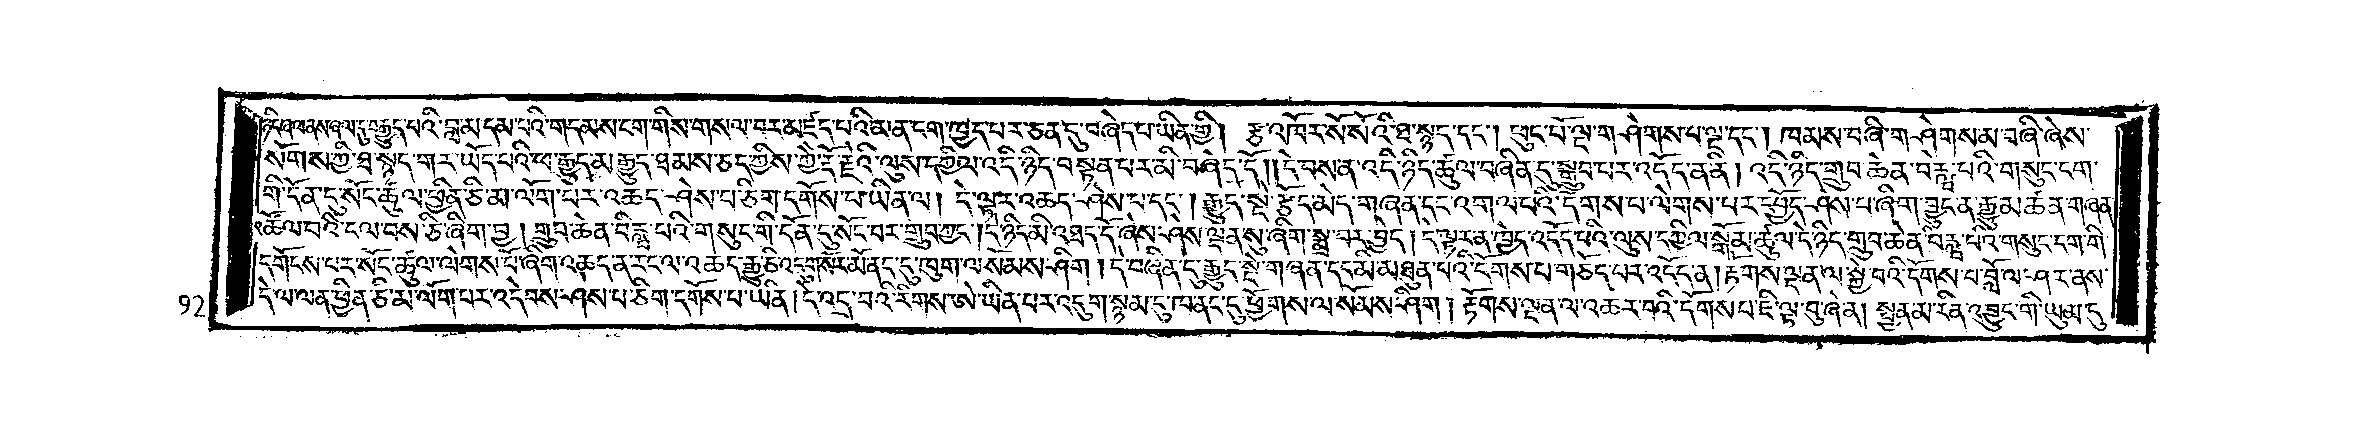ཉིད་ཞལ་ནས་ཞལ་དུ་བརྒྱུད་པའི་བླ་མ་དམ་པའི་གདམས་ངག་གིས་གསལ་བར་མཛད་པའི་མན་ངག་ཁྱད་པར་ཅན་དུ་བཞེད་པ་ཡིན་གྱི། རྩ་འཁོར་སོ་སོའི་ཐ་སྙད་དང་། ཕུང་པོ་ལྔ་གཤེགས་པ་ལྔ་དང་། ཁམས་བཞི་གཤེགས་མ་བཞི་ཞེས་
སོགས་ཀྱི་ཐ་སྙད་གར་ཡོད་པའི་ཕ་རྒྱུད་མ་རྒྱུད་ཐམས་ཅད་ཀྱིས་ཀྱཻ་རྡོ་རྗེའི་ལུས་དཀྱིལ་འདི་ཉིད་བསྟན་པར་མི་བཞེད་དོ། །དེ་བས་ན་འདི་ཉིད་ཚུལ་བཞིན་དུ་སྒྲུབ་པར་འདོད་ན་ནི། འདི་ཉིད་གྲུབ་ཆེན་བེརྭ་པའི་གསུང་ངག་
གི་དོན་དུ་སོང་ཚུལ་ཕྱིན་ཅི་མ་ལོག་པར་འཆད་ཤེས་པ་ཅིག་དགོས་པ་ཡིན་ལ། དེ་ལྟར་འཆད་ཤེས་པ་དང་། རྒྱུད་སྡེ་རྩོད་མེད་གཞན་དང་འགལ་བའི་དོགས་པ་ལེགས་པར་དཔྱོད་ཤེས་པ་ཞིག་བྱུང་ན་རྒྱུ་མཚན་གཞན་
འཚོལ་བའི་ངལ་བས་ཅི་ཞིག་བྱ། རྒྲུབ་ཆེན་བིརྭ་པའི་གསུང་གི་དོན་དུ་སོང་བར་གྲུབ་ཀྱང་། དེ་ཉིད་མི་འཐད་དོ་ཞེས་ཤེས་ལྡན་སུ་ཞིག་སྨྲ་བར་བྱེད། དེ་ལྟར་ན་ཁྱེད་འདོད་པའི་ལུས་དཀྱིལ་སྒོམ་ཚུལ་དེ་ཉིད་གྲུབ་ཆེན་བིརྭ་པའི་གསུང་ངག་གི་
དགོངས་པར་སོང་ཚུལ་ལེགས་པོ་ཞིག་འཆད་ན་རང་ལ་འཆད་རྒྱུ་ཅི་འདུག་སོར་མོ་ནང་དུ་ཁུག་ལ་སོམས་ཤིག། དེ་བཞིན་དུ་རྒྱུད་སྡེ་གཞན་དང་མི་མཐུན་པའི་དོགས་པ་གཅོད་པར་འདོད་ན། རྟོགས་ལྡན་ལ་སྐྱེ་བའི་དོགས་པ་བློ་ལ་ཤར་ནས་
དེ་ལ་ལན་ཕྱིན་ཅི་མ་ལོག་པར་འདེབས་ཤེས་པ་ཅིག་དགོས་པ་ཡིན། དེ་འདྲ་བའི་རིགས་ཨེ་ཡིན་པར་འདུག་སྙམ་དུ་ཁ་ནང་དུ་ཕྱོགས་ལ་སོམས་ཤིག། རྟོགས་ལྡན་ལ་འཆར་བའི་དོགས་པ་ཇི་ལྟ་བ་ཞེ་ན། སྤྱན་མ་རིན་འབྱུང་གི་ཡུམ་དུ་